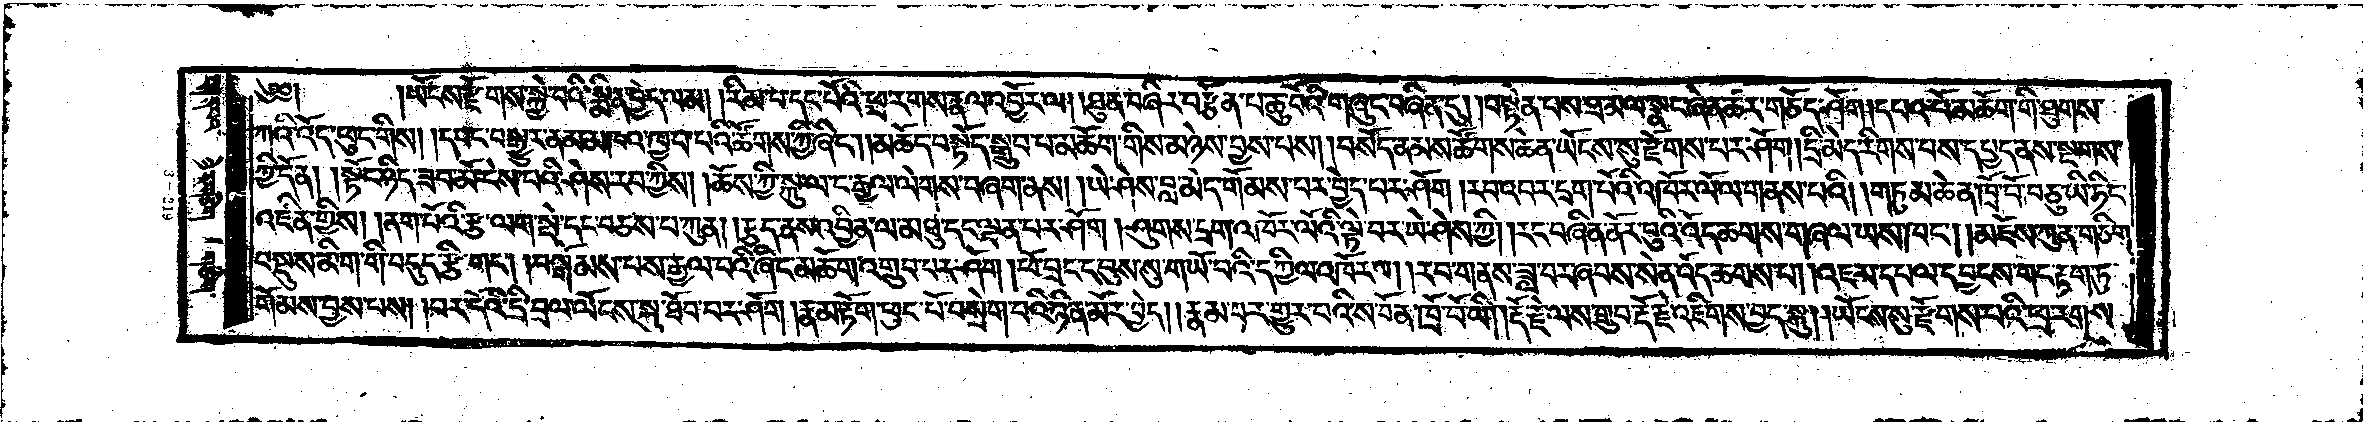༄༅། །ཡོངས་རྫོགས་སྐྱེ་བའི་སྨིན་བྱེད་ལམ། །རིམ་པ་དང་པོའི་ཕྲ་རགས་རྣལ་འབྱོར་ལ། །ཐུན་བཞིར་བརྩོན་པ་ཆུ་བོའི་གཞུང་བཞིན་དུ། །བསྟེན་པས་ཐ་མལ་སྣང་ཞེན་ཚར་གཅོད་ཤོག། །དཔའ་བོ་མཆོག་གི་ཐུགས་
ཀའི་འོད་ཕུང་གིས། །དབང་བསྒྱུར་ནམ་མཁའ་ཁྱབ་པའི་ཚོགས་ཀྱི་ཞིང་། །མཆོད་བསྟོད་སྒྲུབ་པ་མཆོག་གིས་མཉེས་བྱས་པས། །བསོད་ནམས་ཚོགས་ཆེན་ཡོངས་སུ་རྫོགས་པར་ཤོག། །དྲི་མེད་རིགས་པས་དཔྱད་ནས་སྔགས་
ཀྱི་དོན། །སྟོང་ཉིད་ཟབ་མོ་ངེས་པའི་ཤེས་རབ་ཀྱིས། །ཆོས་ཀྱི་སྐུ་ལ་ང་རྒྱལ་ལེགས་བཞག་ནས། །ཡེ་ཤེས་བླ་མེད་གོམས་པར་བྱེད་པར་ཤོག །རབ་འབར་དྲག་པོའི་འཁོར་ལོ་ལ་གནས་པའི། །གཏུམ་ཆེན་ཁྲོ་བོ་བཅུ་ཡི་ཏིང་
འཛིན་གྱིས། །ནག་པོའི་རྩ་ལག་སྡེ་དང་བཅས་པ་ཀུན། །རྩད་ནས་འབྱིན་ལ་མཐུ་དང་ལྡན་པར་ཤོག། །ཤུགས་དྲག་འཁོར་ལོའི་ལྟེ་བར་ཡེ་ཤེས་ཀྱི། །རང་བཞིན་ནོར་བུའི་འོད་ཆགས་གཞལ་ཡས་ཁང་། །མཇོས་ཀུན་གཅིག་
བསྡུས་མིག་གི་བདུད་རྩི་གང་། །བསྒོམས་པས་རྒྱལ་བའི་ཞིང་མཆོག་འགྲུབ་པར་ཤོག། །ཕོ་བྲང་དབུས་སུ་གཡོ་བའི་དཀྱིལ་འཁོར་ལ། །རབ་གནས་ཟླ་བར་ཞབས་སེན་འོད་ཆགས་པ། །འཇམ་དཔལ་དབྱངས་གང་རྟག་ཏུ་
གོམས་བྱས་པས། །བར་དོའི་དྲི་བྲལ་ལོངས་སྐུ་ཐོབ་པར་ཤོག །རྣམ་རྟོག་ཕུང་པོ་བསྲེག་པའི་ཉིན་མོར་བྱེད། །རྣམ་པར་གྱུར་པའི་ས་བོན་ཁྲོ་བོ་ཡི། །རྡོ་རྗེ་ལས་གྲུབ་རྡོ་རྗེ་འཇིགས་བྱད་སྐུ། །ཡོངས་སུ་རྫོགས་པའི་ཕྲ་རགས་